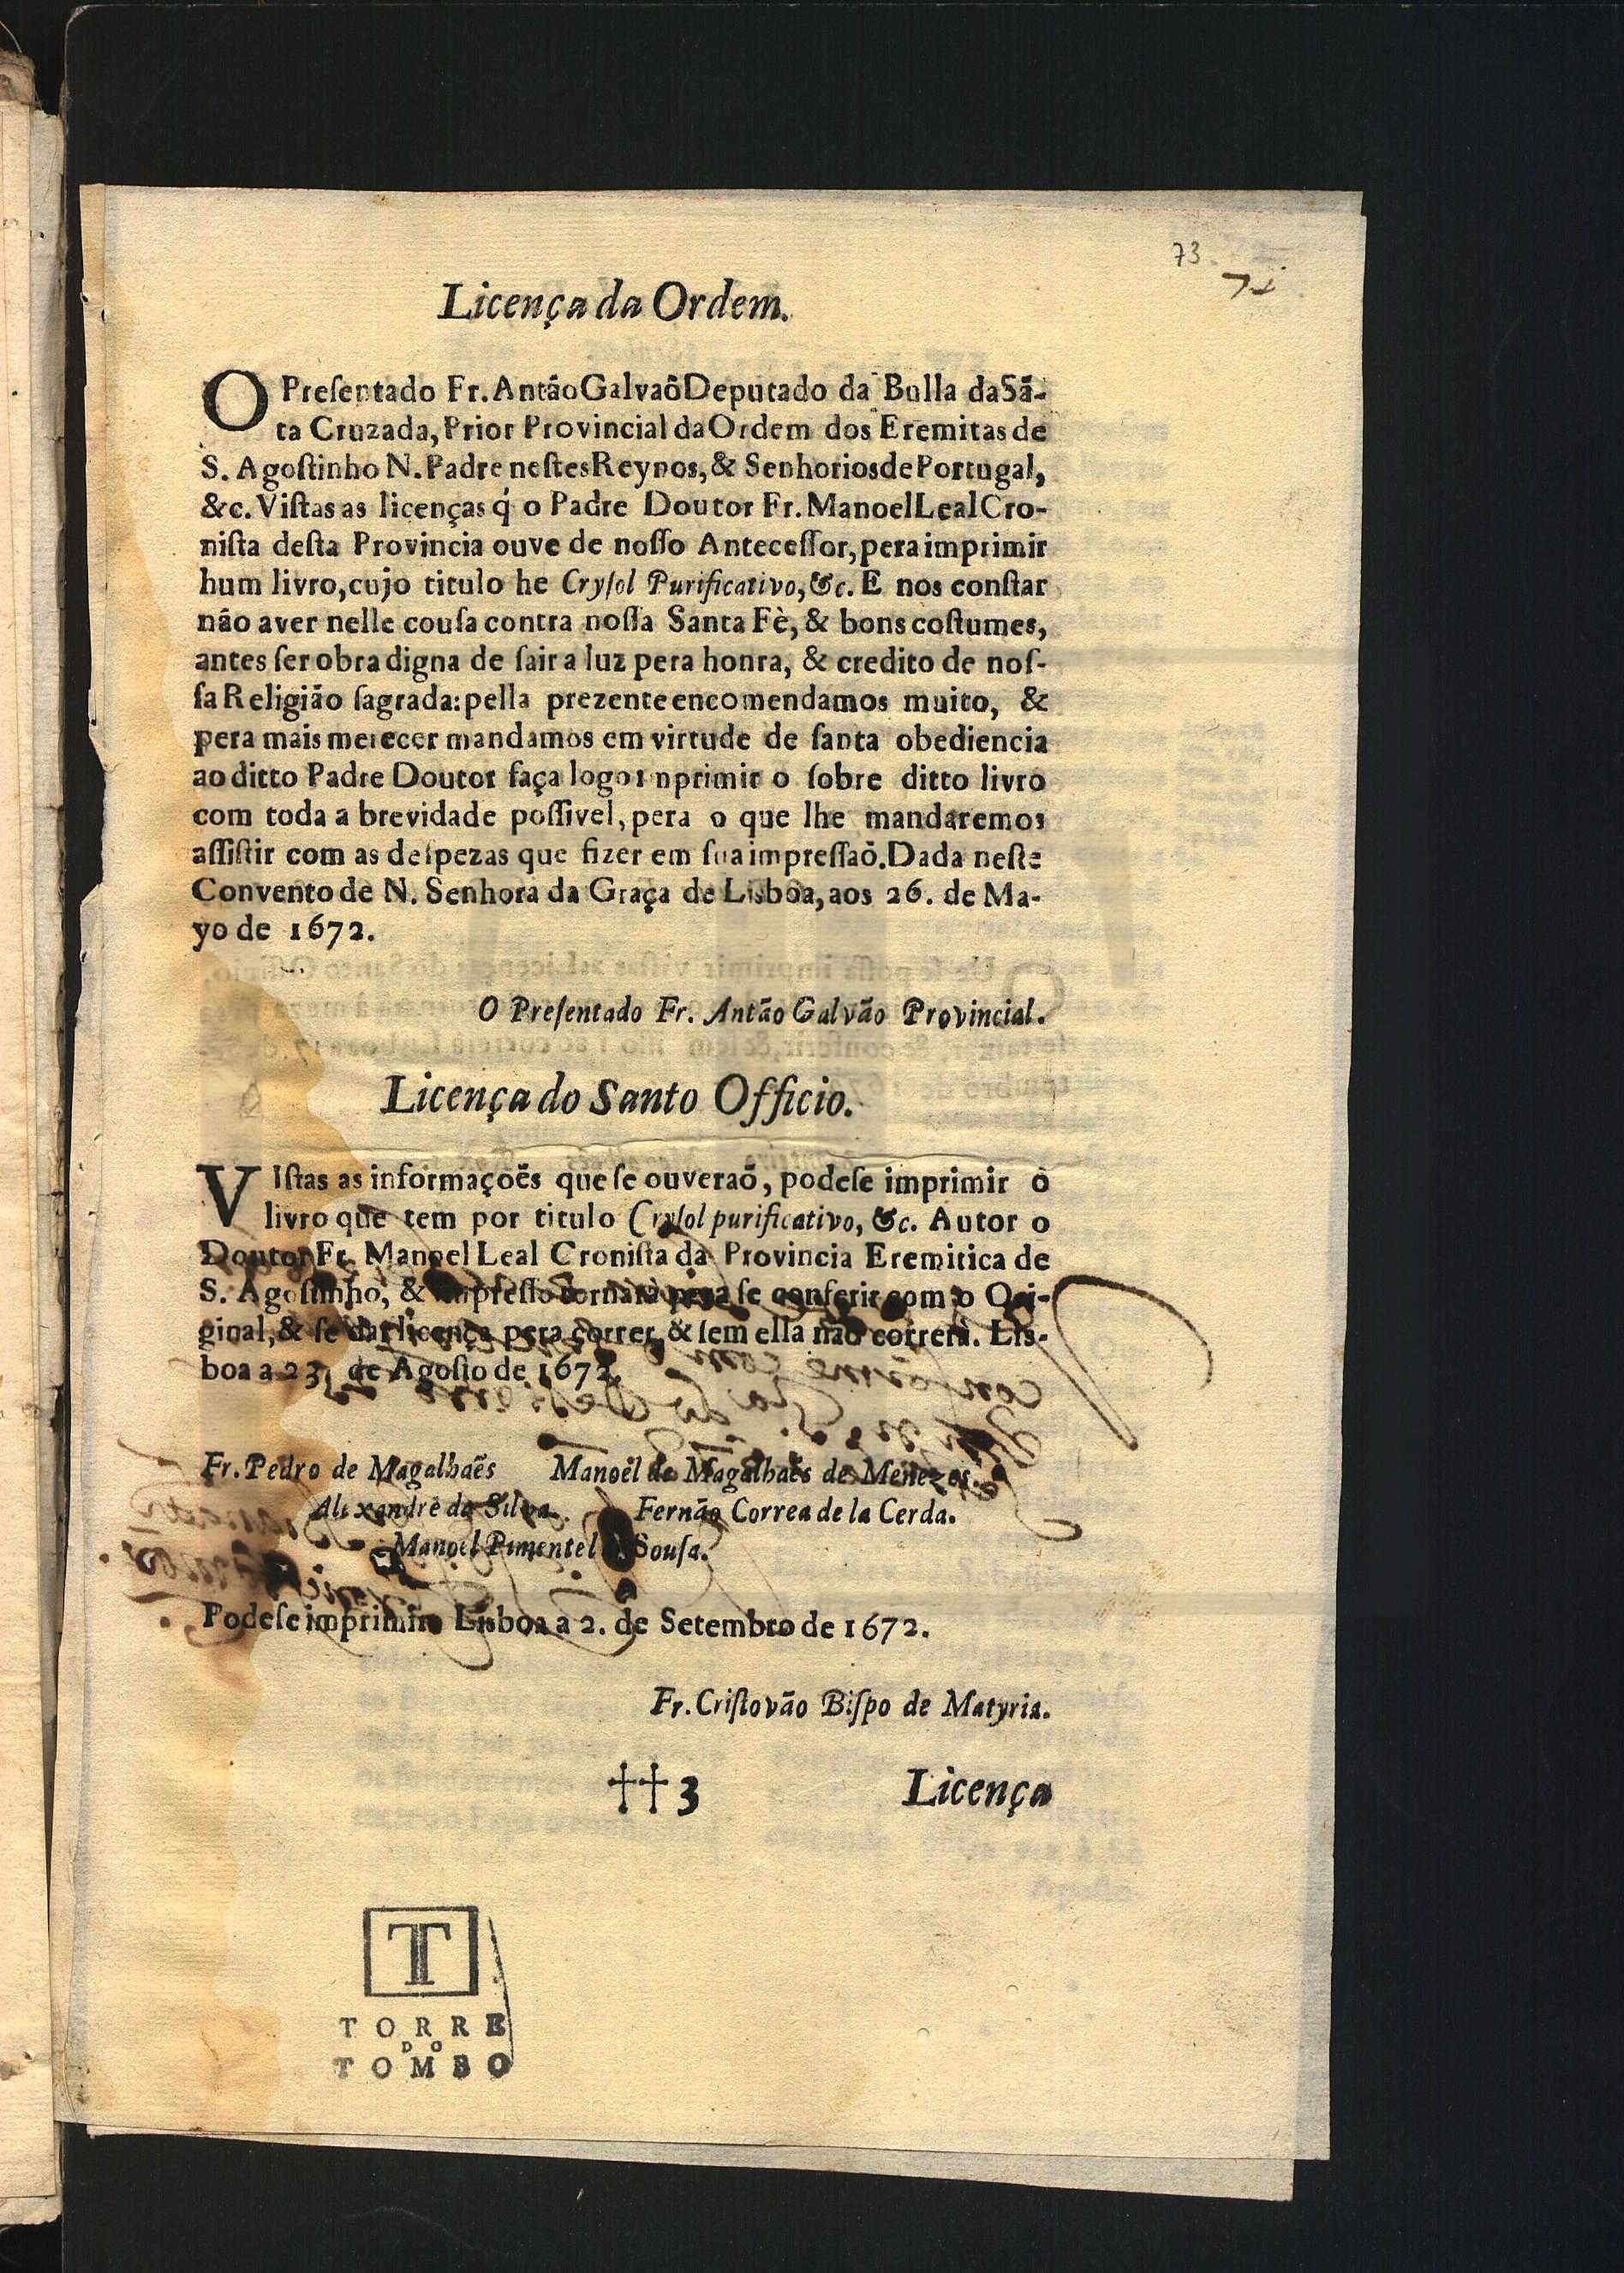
7i
Licença da Ordem.
O Presentado Fr. Antão Galvaõ Deputado da Bulla da Sā
ta Cruzada, Prior Provincial da Ordem dos Eremitas de
S. Agostinho N. Padre nestes Reynos, & Senhorios de Portugal,
&c. Vistas as licenças q̄ o Padre Doutor Fr. Manoel Leal Cro
nista desta Provincia ouve de nosso Antecessor, pera imprimir
hum livro, cujo ticulo he Crysol Purificativo, &c. E nos constar
não aver nelle cousa contra nossa Santa Fè, & bons costumes,
antes ser obra digna de sair a luz pera honra, & credito de nos
sa Religião sagrada: pella prezente encomendamos muito, &
pera mais merecer mandamos em virtude de santa obediencia
ao ditto Padre Doutor faça logo imprimir o sobreditto livro
com toda a brevidade possivel, pera o que lhe mandaremos
assistir com as despezas que fizer em sua impressaõ. Dada neste
Convento de N. Senhora da Graça de Lisboa, aos 26. de Ma
yo de 1672.
O Presentado Fr. Antão Galvão Provincial.
Licença do Santo Officio.
VIstas as informaçoẽs que se ouveraõ, podese imprimir o
livro que tem por titulo Crysol purificativo, &c. Autor o
Doutor Fr Manoel Leal Cronista da Provincia Eremitica de
S. Agostinho, & impresso tornara pera se a conferir com o Ori
ginal, & se dar licença pera correr & sem ella não correrà. Lis
boa a 23 de Agosto de 1672.
Fr. Pedro de Magalhaẽs
Manoel de Magalhaẽs de Menezes.
Alexandre da Silva
Fernão Correa de laCerda.
Manoel Pimentel _ Sousa.
Podese imprimir Lisboa a 2. de Setembro de 1672.
Fr. Cristovão Bispo de Matyria.
Licença
++3
